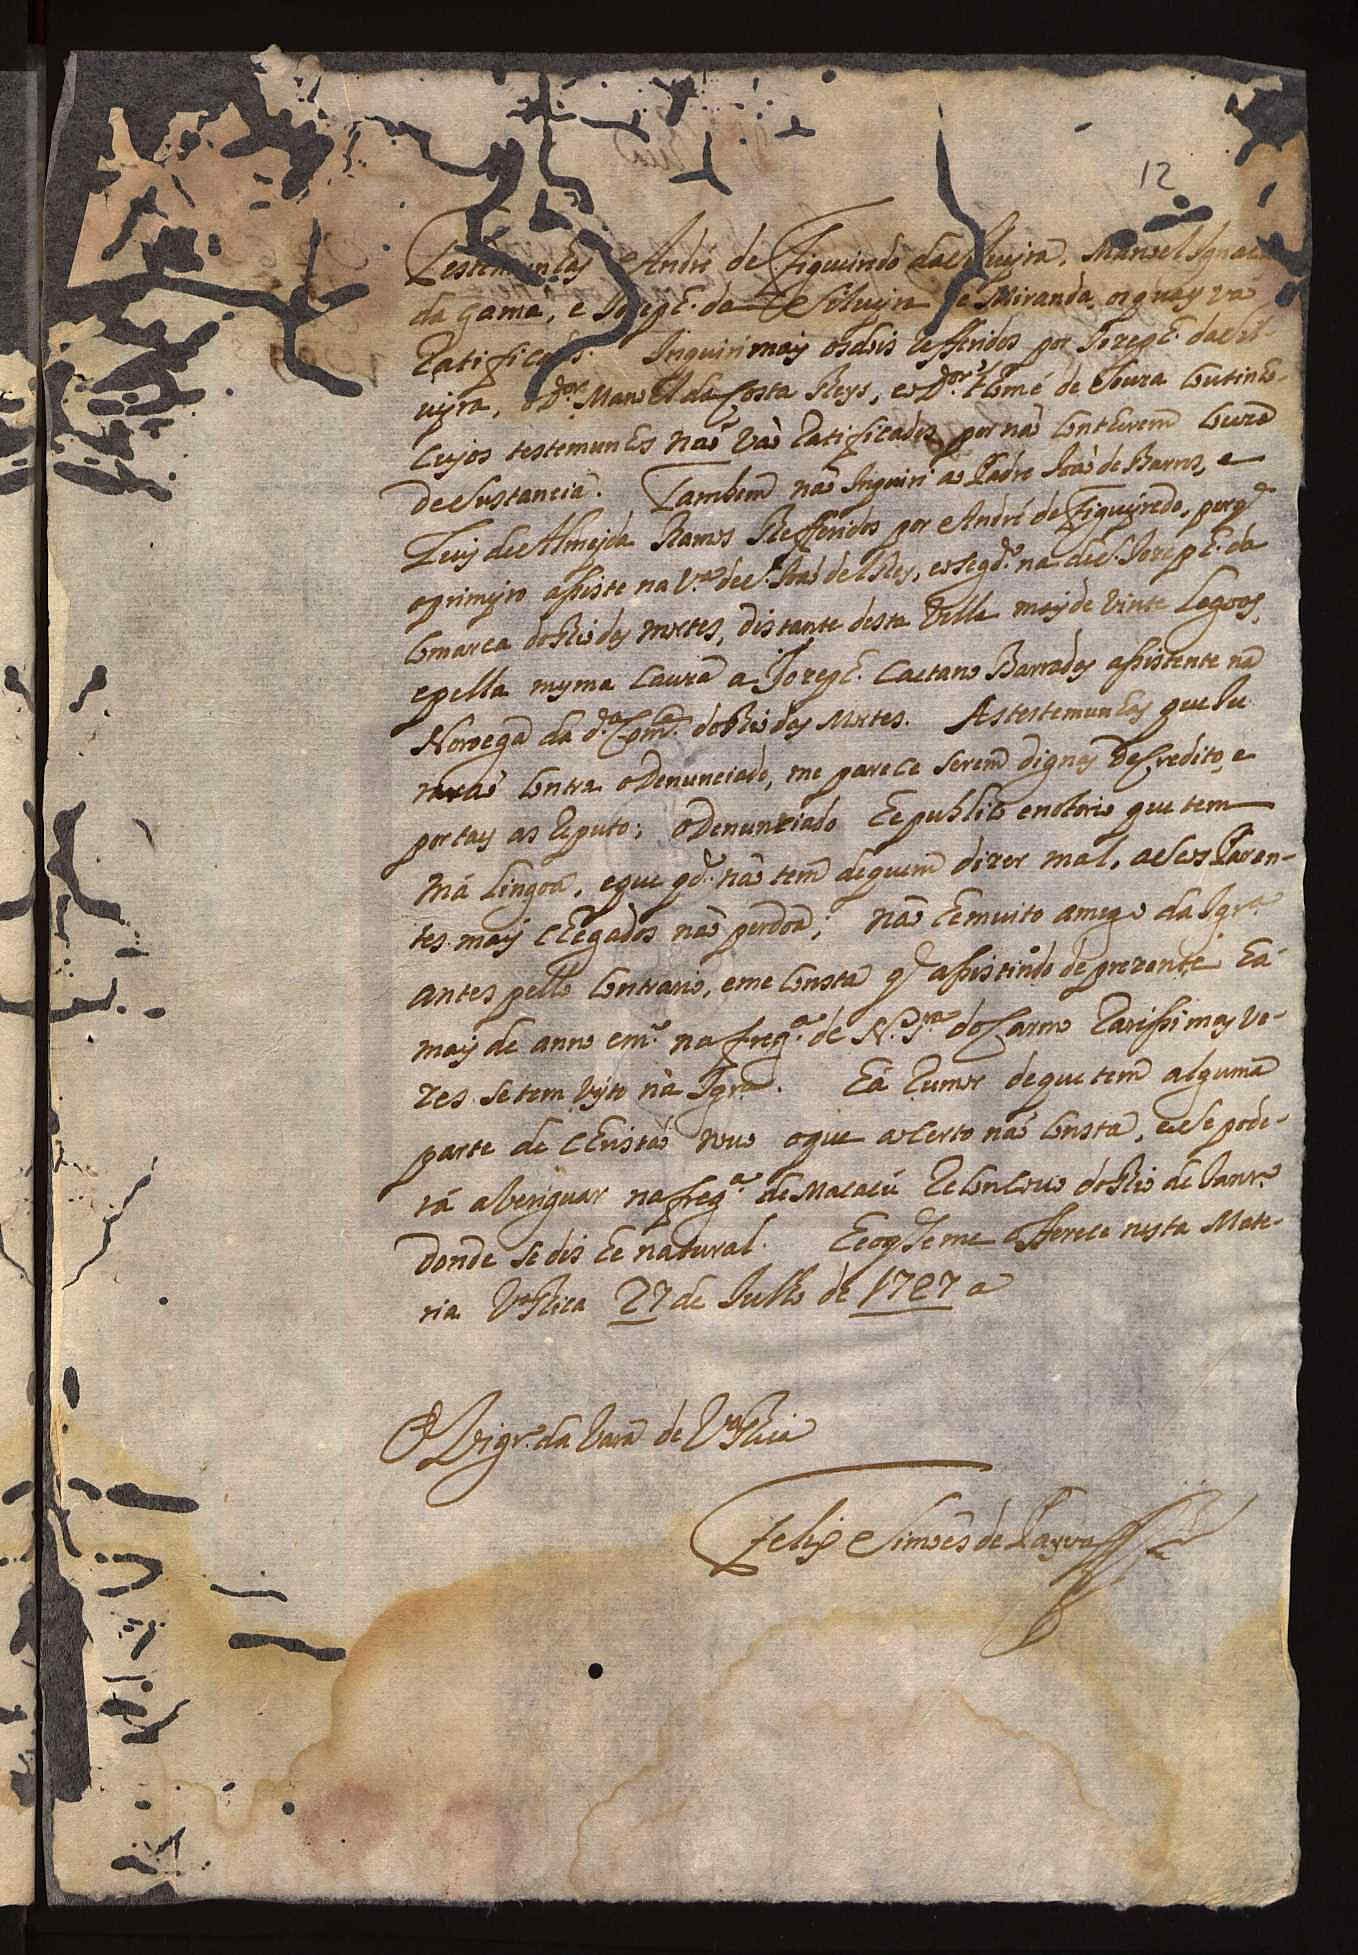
Testemunhas Andre de Figueiredo da S_luejra, Manoel Ignac
da gama, e Io_eph da Siluejra e Miranda, os quais vaõ
Ratificados. Inquiri mais os dois Refferidos por Iozeph da Sil
uejra, o D.or Manoel da Costa Reys, e o D.or Thomé de Souza Coutinho
cujos testemunhos naõ vaõ Ratificados por naõ contherem couza
de Sustancia. Tambem naõ Inquiri ao Padre Ioaõ de Barros, e
Luis de Almejda Ramos Refferidos por André de Figueiredo, porq̄
o primejro assiste na V.a de S. Ioaõ del Rey, e o segd.o na de S. Iozeph da
comarca do Rio das mortes, distante desta Villa mais de vinte Legoas,
e pella mesma cauza a Jozeph. Caetano Barradas assistente na
Noroega da d.a Com.a do Rio das Mortes. As testemunhas que Iu
raraõ contra o Denunciado, me parece serem dignas de Credito, e
por taes as Reputo; o Denunciado he publico e notorio que tem
má Lingoa, e que qd.o naõ tem de quem dizer mal, a Seos Paren
tes mais chegados naõ perdoa; não he muito amigo da Igr.a
antes pello contrario, e me consta, q̄ assistindo de prezente há
mais de anno e m.o na freg.a de N. s.ra do Carmo Rarissimas ve
zes se tem visto na Igra. há Rumor de que tem alguma
parte de christaõ nouo o que ao certo naõ consta, e se pode
rá averiguar na freg.a de Macacú Renoncouo do Rio de Ianr.o
donde se dis he natural. he o q̄ se me offerece nesta Mate
ria Va Rica 27 de Iulho de 1727 ā
O Vigr.o da Vara de Va Rica
Felix Simoẽs de Payva
